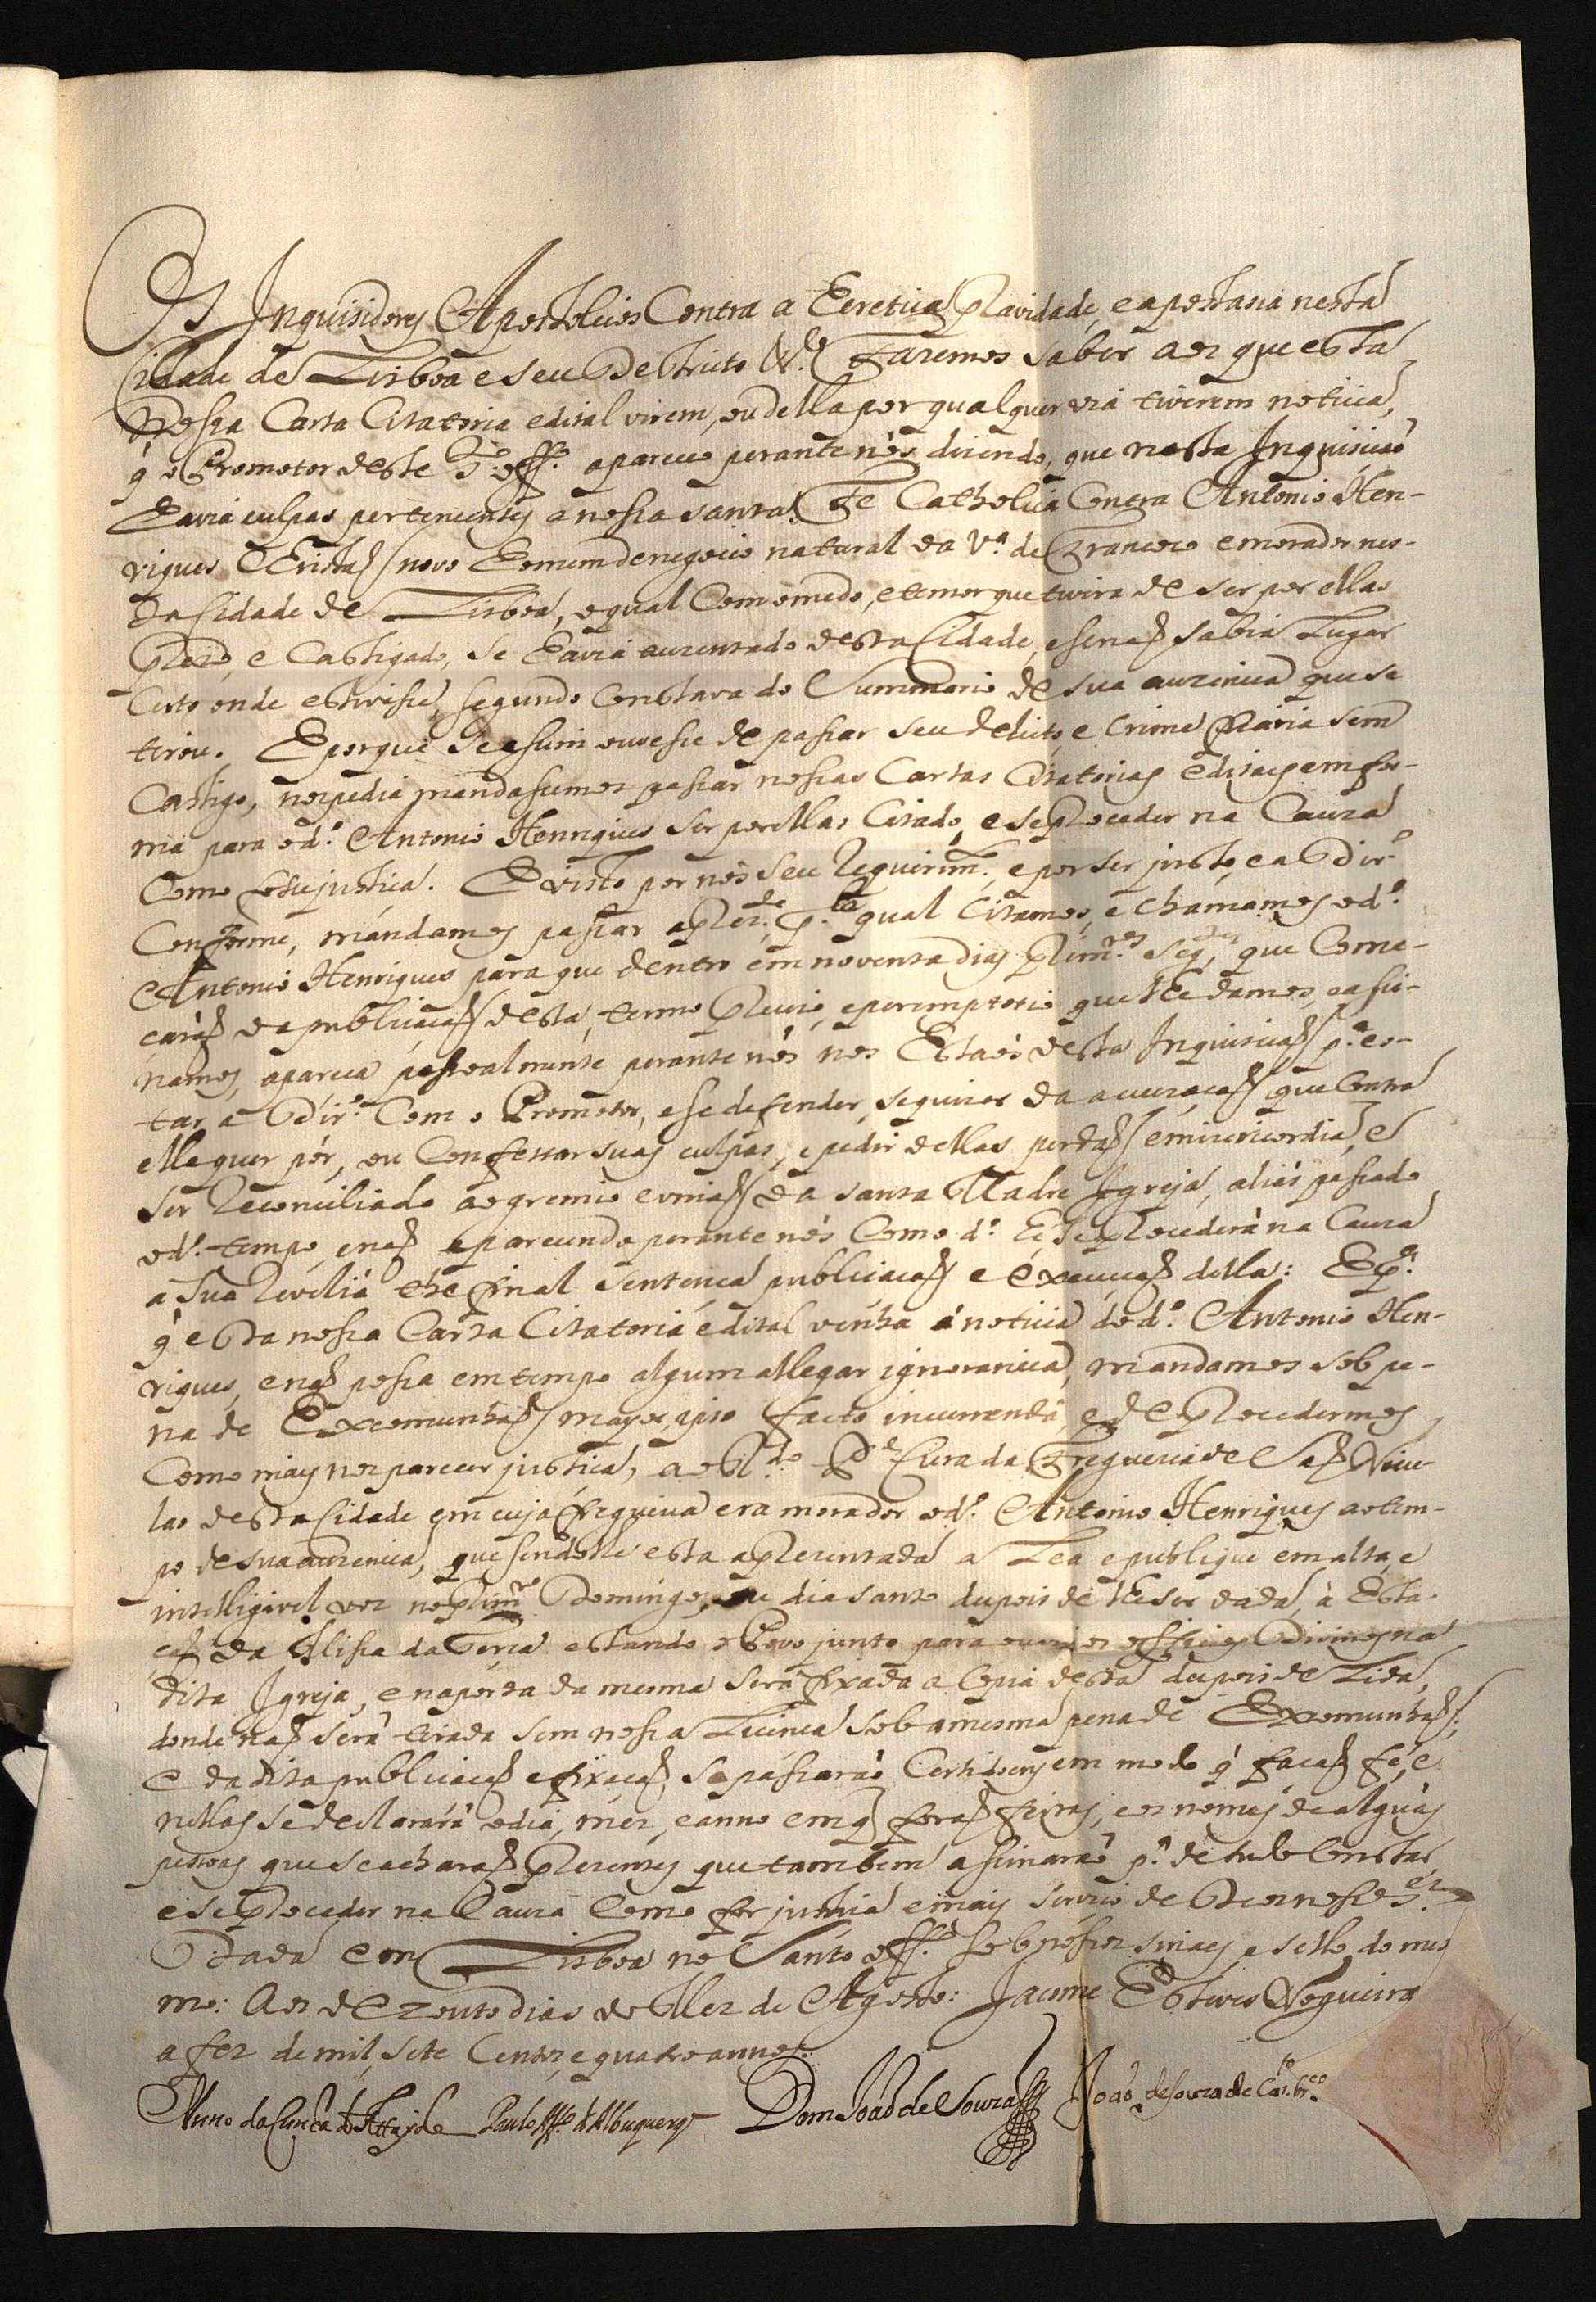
Os Jnquisidores Apostolicos Contra a heretica pRavidade, e apostasia nesta
Cidade de Lisboa, e seu Destricto &.a fazemos saber aos que esta
Nossa Carta Citatoria edital virem, ou della por qualquer via tiverem noticia,
q̄ o Promotor deste s.to off.o apareceo perante nós dizendo, que nesta Jnquisiçaõ
havia culpas pertencentes a nossa santa Fe Catholica Contra Antonio Hen
riques Christaõ novo homem de negocio natural da V.a de Trancozo e morador nes
ta Cidade de Lisboa, o qual Com o medo, e temor que tivera de ser por ellas
pRezo, e Castigado, se havia auzentado desta Cidade, e se naõ sabia Lugar
Certo onde estivesse, segundo constava do Summario de sua auzencia que se
tirou. E porque se assim ouvesse de passar seu delicto, e crime faria sem
Castigo, nos pedia mandassemos passar nossas Cartas Citatorias editais em for
ma para o d.o Antonio Henriques ser por ellas Citado, e se proceder na Cauza
Como fosse justiça. E visto por nós seu Requerim.to e por ser justo, e a dir.o
Conforme, mandamos passar a prez.te p.a qual Citamos, e chamamos o d.o
Antonio Henriques para que dentro em noventa dias pRim.ros seg.tes que Come
çaraõ da publicaçaõ desta, termo pRecizo, e peremptorio que lhe damos, e assi
namos, apareça pessoalmente perante nós nos Estaós desta Inquisiçaõ p.a es
tar a dir.o Com o Promotor, e se defender, se quizer da accuzaçaõ que contra
elle quer pór, ou Confessar suas culpas, e pedir dellas perdaõ e mizericordia, e
ser Reconciliado ao gremio e vniaõ da santa Madre Jgreja, aliás passado
o d.o tempo, e naõ aparecendo perante nós Como d.o he se pRocederá na Cauza
á sua Revelia e he final sentença publicaçaõ e execuçaõ della: E p.a
q̄ esta nossa Carta Citatoria edital venha á noticia do d.o Antonio Hen
riques, e naõ possa em tempo algum allegar ignorancia, mandamos sob pe
na de Excomunhaõ mayor, ipso facto incurrenda, e de pRocedermos
Como mais nos parecer justiça, ao R.do Pe Cura da Freguezia de Saõ Nicu
lao desta Cidade em cuja freguezia era morador o d.o Antonio Henriques ao tem
po de sua auzencia, que sendolhe esta apRezentada a Lea, e publique em alta, e
intelligivel voz no pRimro Domingo, ou dia santo depois de lhe ser dada, à Esta
çaõ da Missa da Terça estando o Povo junto para ouvir os officios Divinos na
dita Jgreja, e na porta da mesma será fixada a Copia desta depois de Lida,
donde naõ será tirada sem nossa Licença sob a mesma pena de Excomunhaõ
E da dita publicaçaõ e fixaçaõ se passaraõ Certidoens em modo q̄ façaõ fé, e
nellas se declarará o dia, mez, e anno em q̄ foraõ feitas, e os nomes de alguās
pessoas que se acharaõ prezentes que tambem assinaraõ p.a de tudo constar
e se pRoceder na Cauza Como for justiça e mais serviço de Deos nosso s.or
dada em Lisboa no Santo off.o sob nossos sinaes, e sello do mes
mo: Aos dezouto dias do Mez de Agosto: Jacome Esteves Nogueira
a fez de mil seteCentos, e quatro annos
Nuno da Cunha d̄ Attayde
Paulo Aff.o d̄ Albuquerq̄
Dom Ioaõ de Souza
Joaõ de souza de Cas.to br.co
